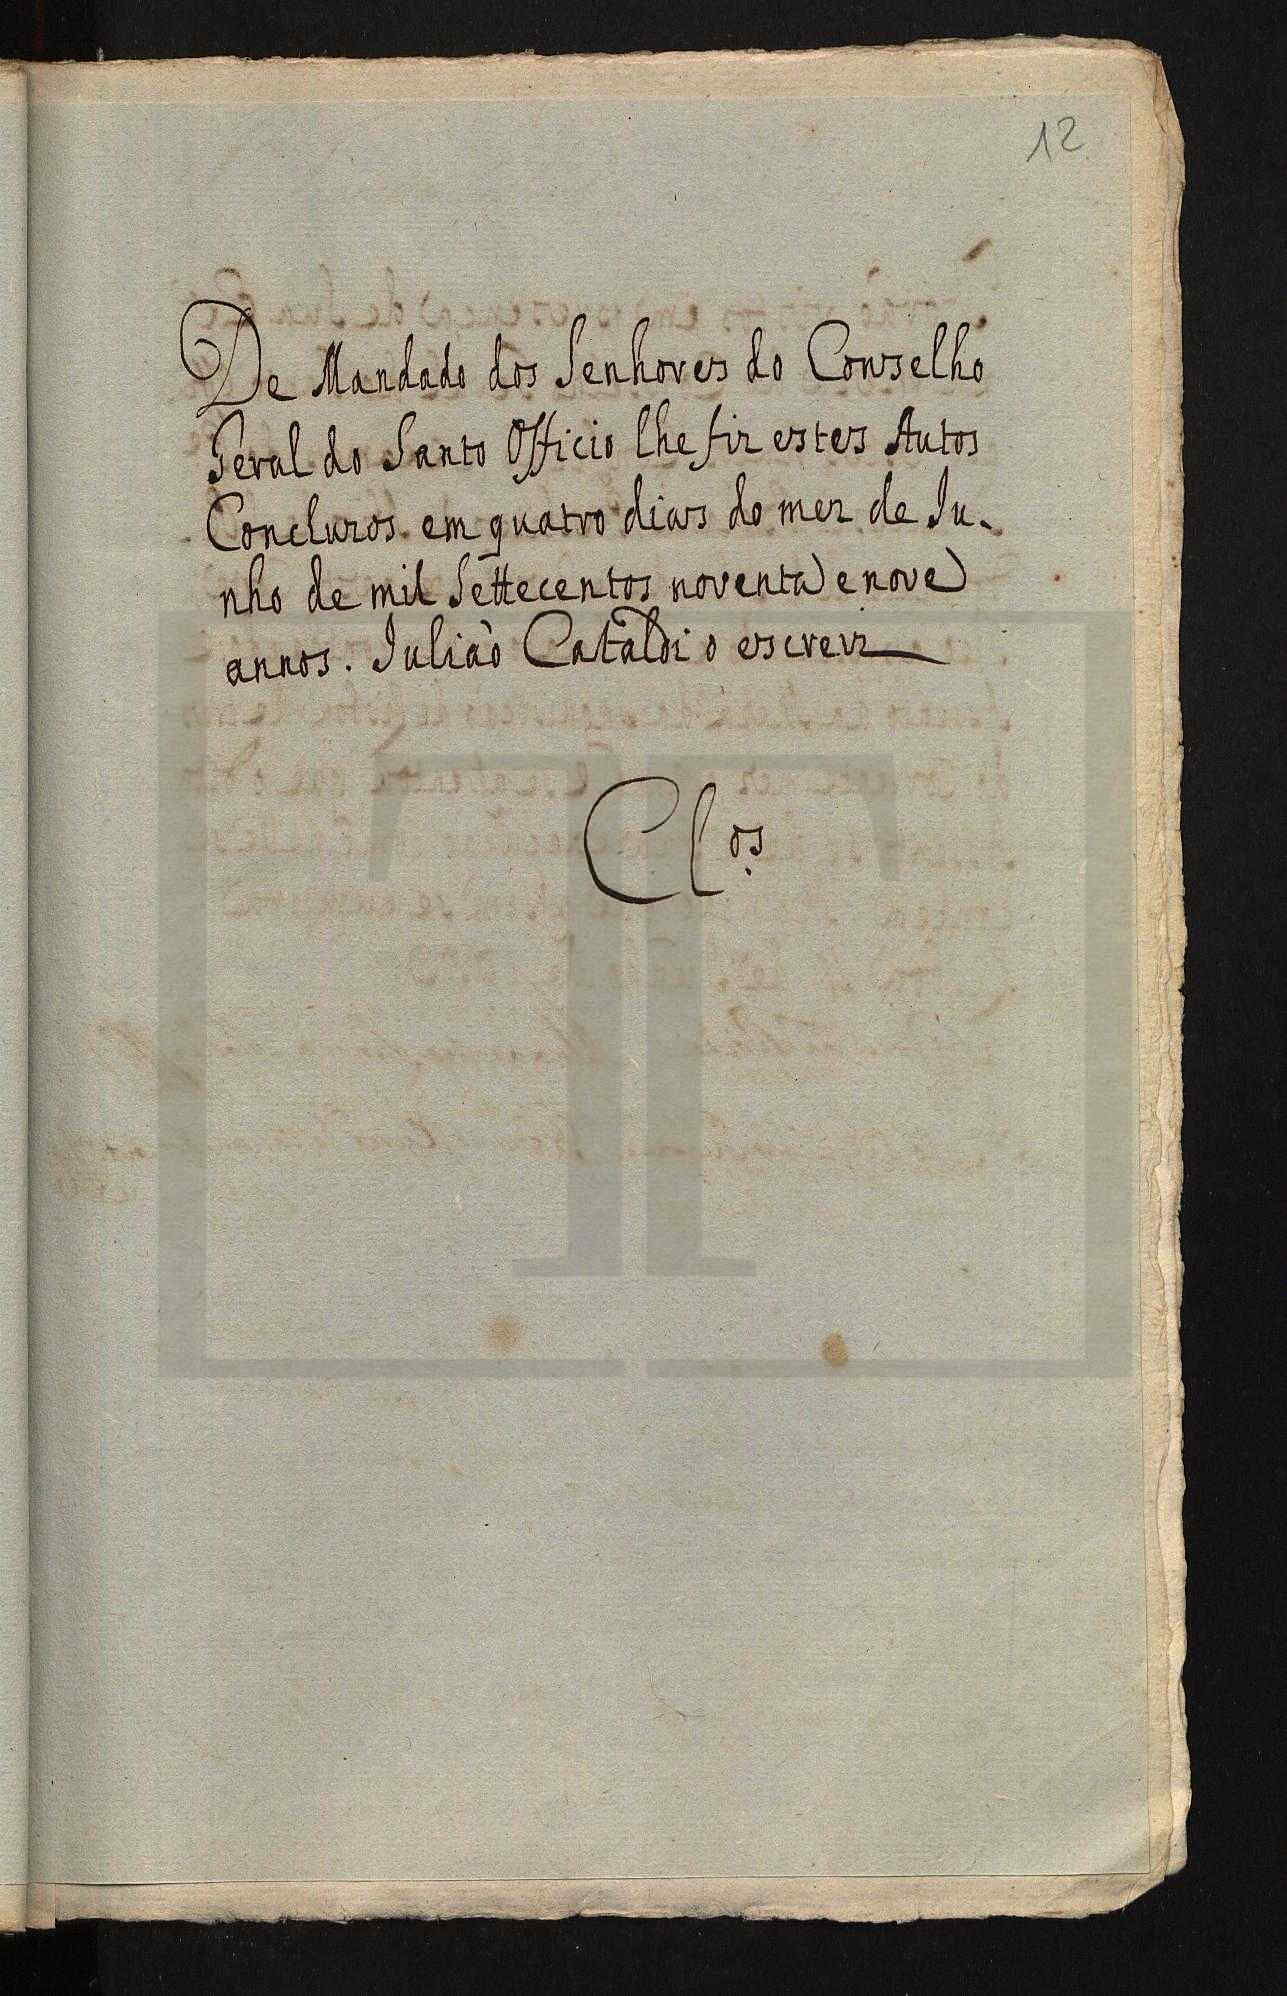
De Mandado dos Senhores do Conselho
Geral do Santo Officio lhe fiz estes Autos
Concluzos em quatro dias do mez de Iu
nho de mil Settecentos noventa e nove
annos. Iulião Cataldi o escrevi
CL.os
